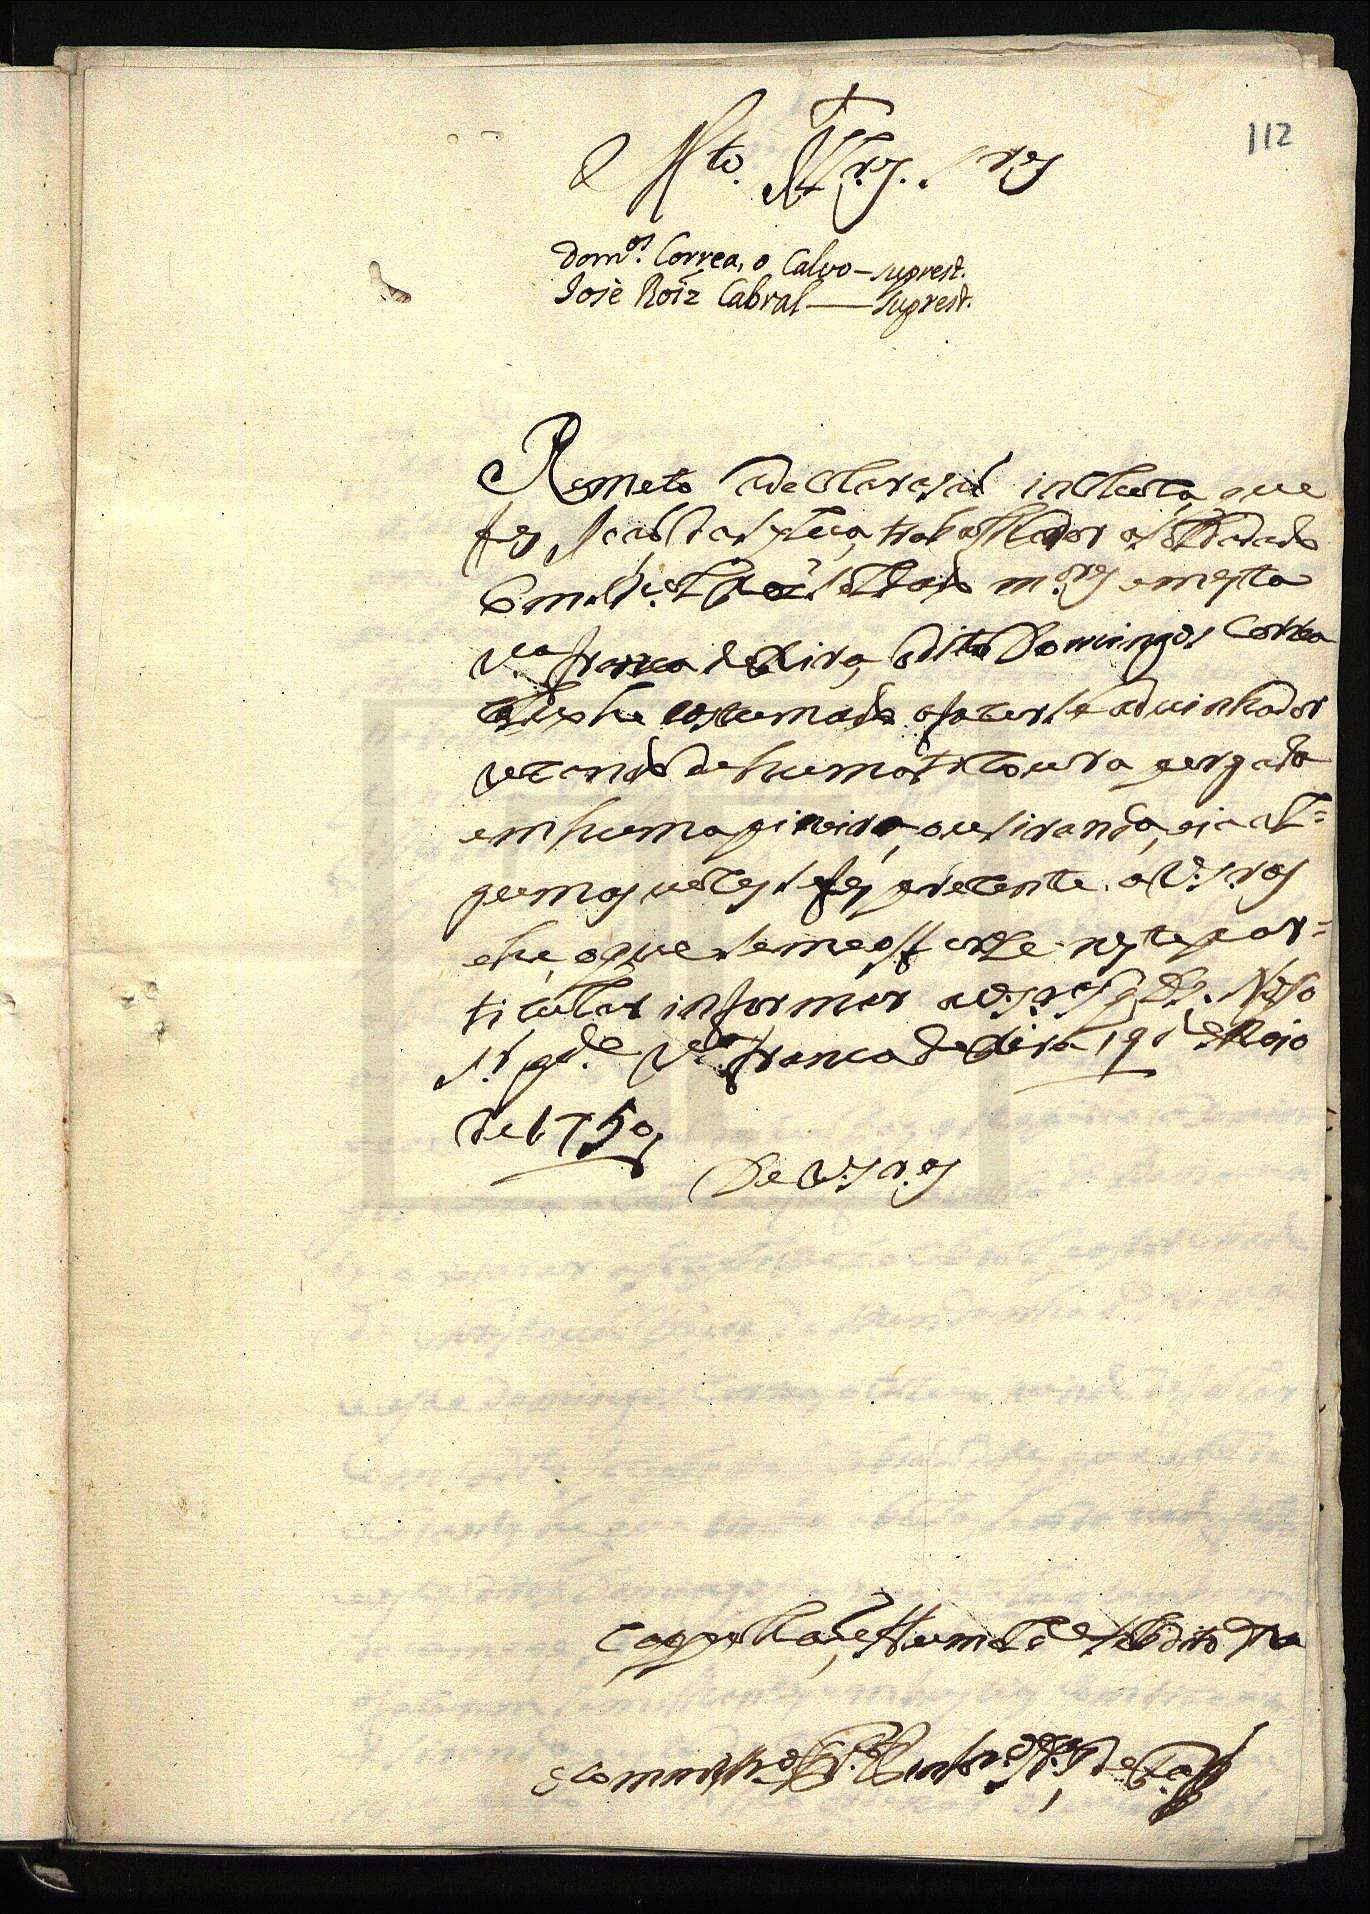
M.to Ill.res. sres
Dom.os. Correa, o Calvo - suprest.
Iosé Roīz Cabral - suprest.
Remeto a declarasaõ inCluza que
fes Joaõ da sylua trabalhador osoldadado
V.a franca de xira, o dito Domingos correa
caZado he costumado o fazerse aduinhador
rezando de huma tazoura pergada
em huma privida, ou tirando sinal
que mas uezes se fes prezente a V. s.ros
e he o que se me offerse neste par
ticular informar ao sres q Ds̄. Nosso
S.r gd.e V.a franca de xira, gde Maio
de 1750
De v. sr.es
cappellaõ e Humilde subdito &a
e commissro Fr.co Pinhr.o s.tos de F.a
